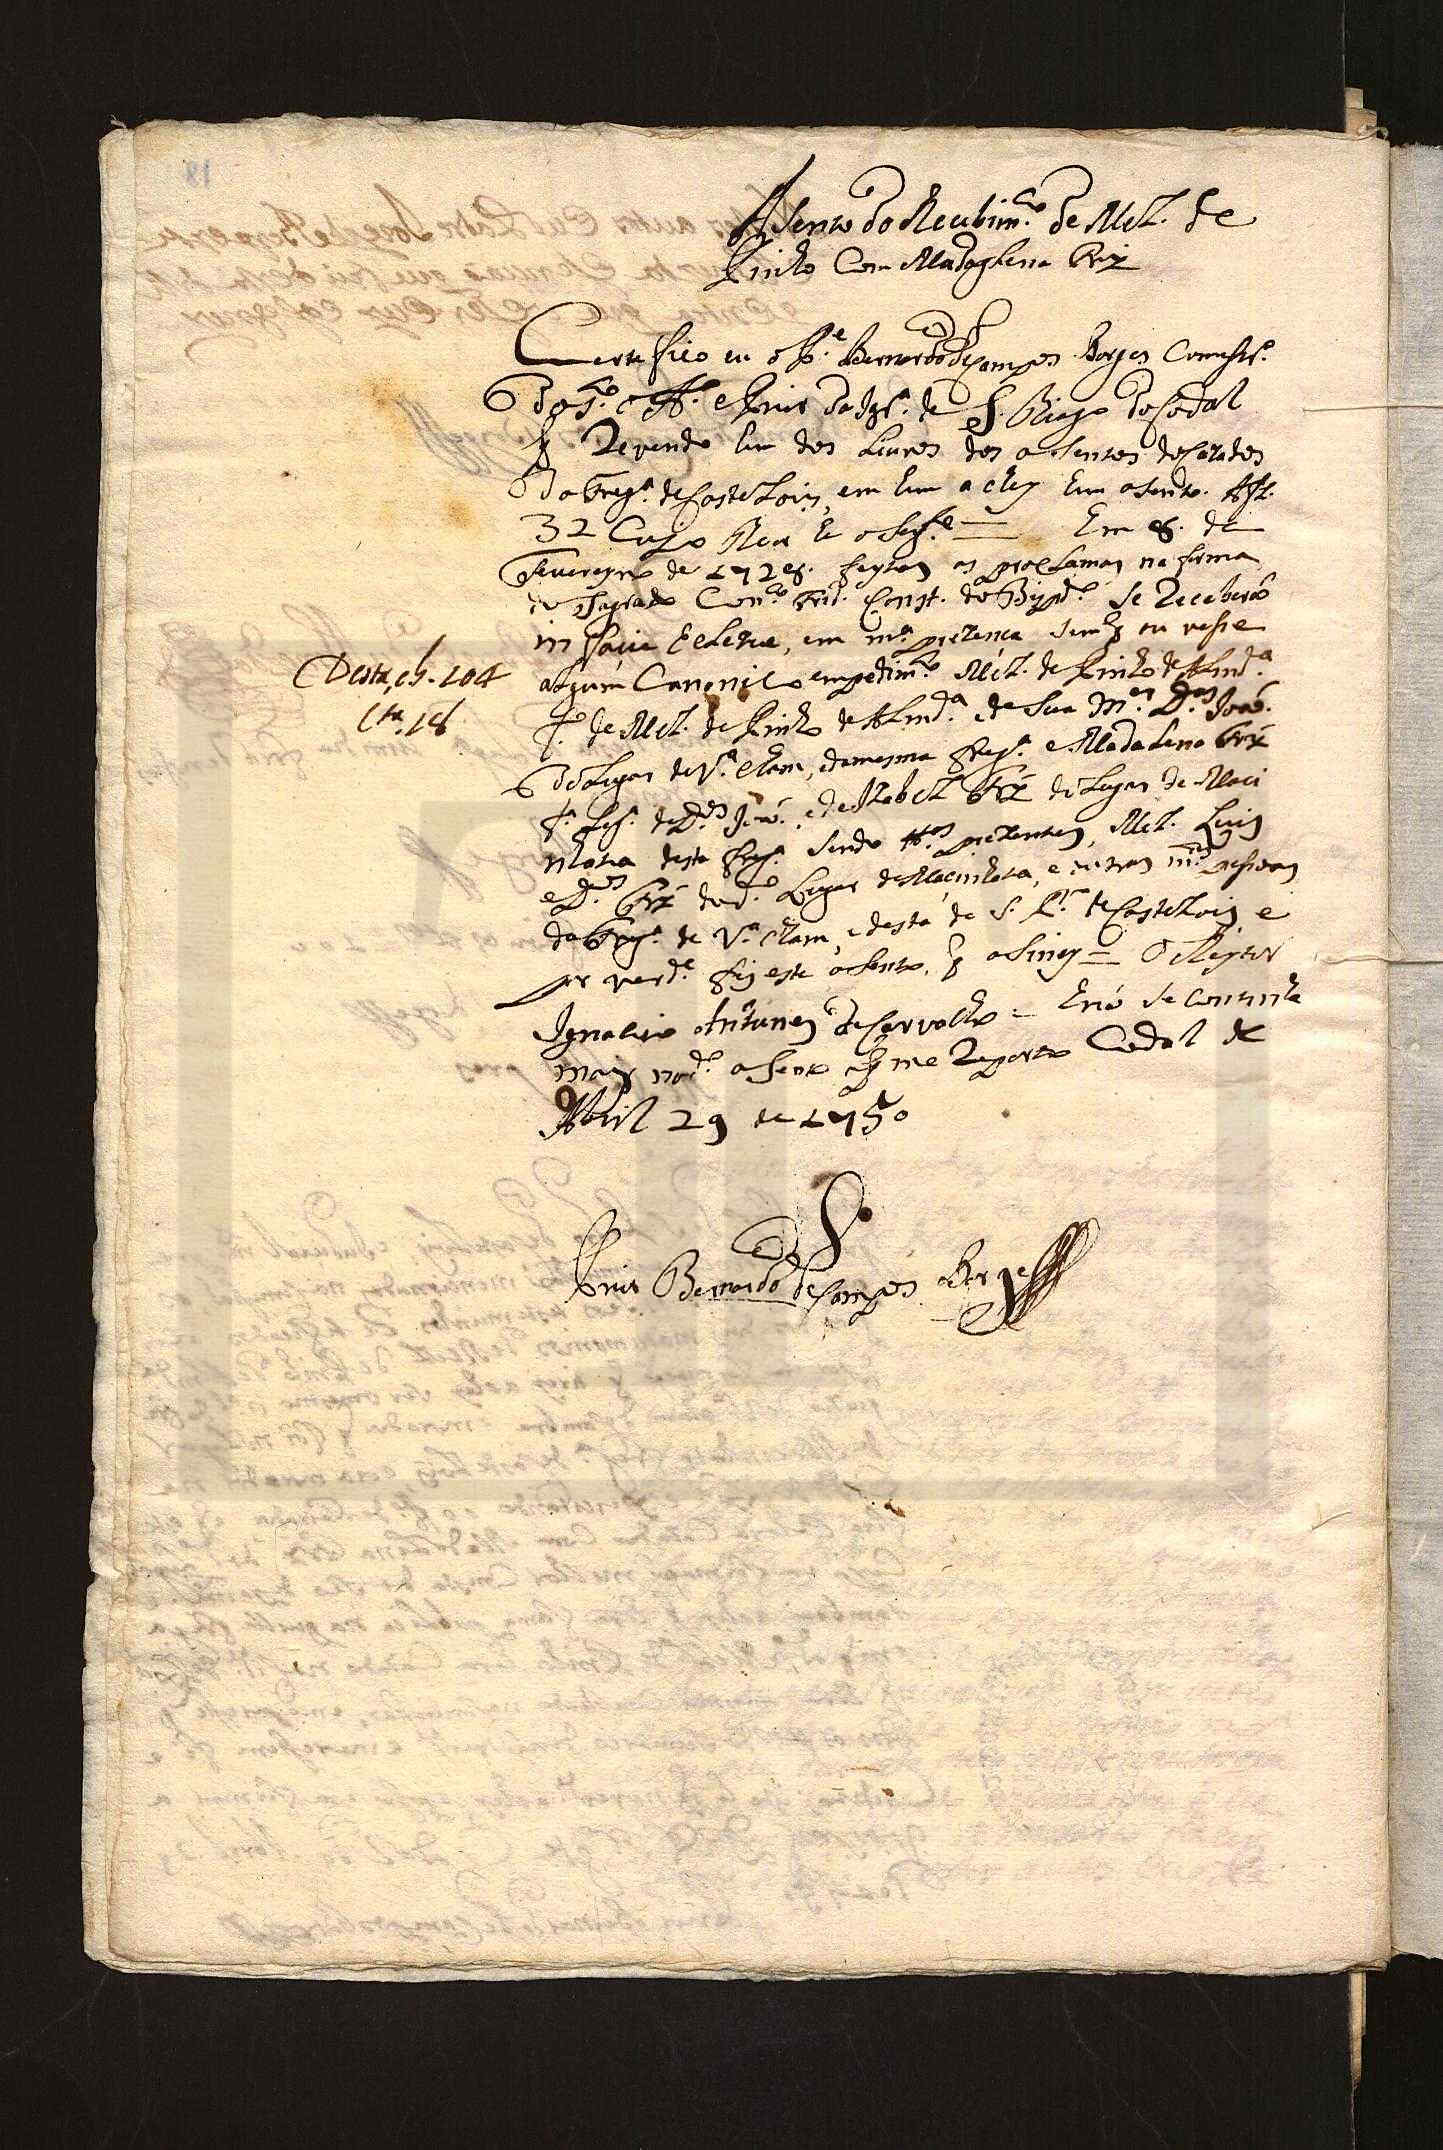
Asento do Recebim.to de MeL. de
Pinho Com Madaglena Frz̄
Certefico eu o P.e Bernardo de Campos Borges Comissr.o
do s.to off.o e Prior da Igr.a de S. Thiago do Codal
q̄ Revendo hum dos Liuros dos asentos do Cazados
da Freg.a de CasteLoins em hum achey hum asento. A fl.
Em 8. de
32 Cujo theor he o Seg.te =
Feuereyro de 1728. feytas as procLamas na forma
do sagrado Con.co Trid. Const. do Bispd.o se Receberaõ
in facie EcLeziæ, em m.a prezença sem q̄ ouvesse
aLgum Canonico empedim.to MeL. de Pinho de Almd.a
Desta, e b. 104
f.o de Mel. de Pinho de Almd.a e de Sua m.er D.as Ioaõ.
Cta. 18
do Lugar de V.a cham, da mesma freg.a e MadaLena Frx̄
f.a Leg.a de D.os Joaõ de Izabel Frz̄ do Lugar de Maci
nhota desta freg.a sendo tt.as prezentes Mel. Luis
e D.os Frz̄ do d.to Lugar de Macinhota, e outras m.tas pessoas
da Freg.a de V.a cham e desta de S. P.o de CasteLois, e
por verd.e fis este asento q̄ asiney = O Reytor
Ignacio Antunes de Carvalho = E naõ se continha
mais no d.o asento a q̄ me Reporto Codal de
Abril 29 de 1750
Prior Bernardo de Campos Borges
